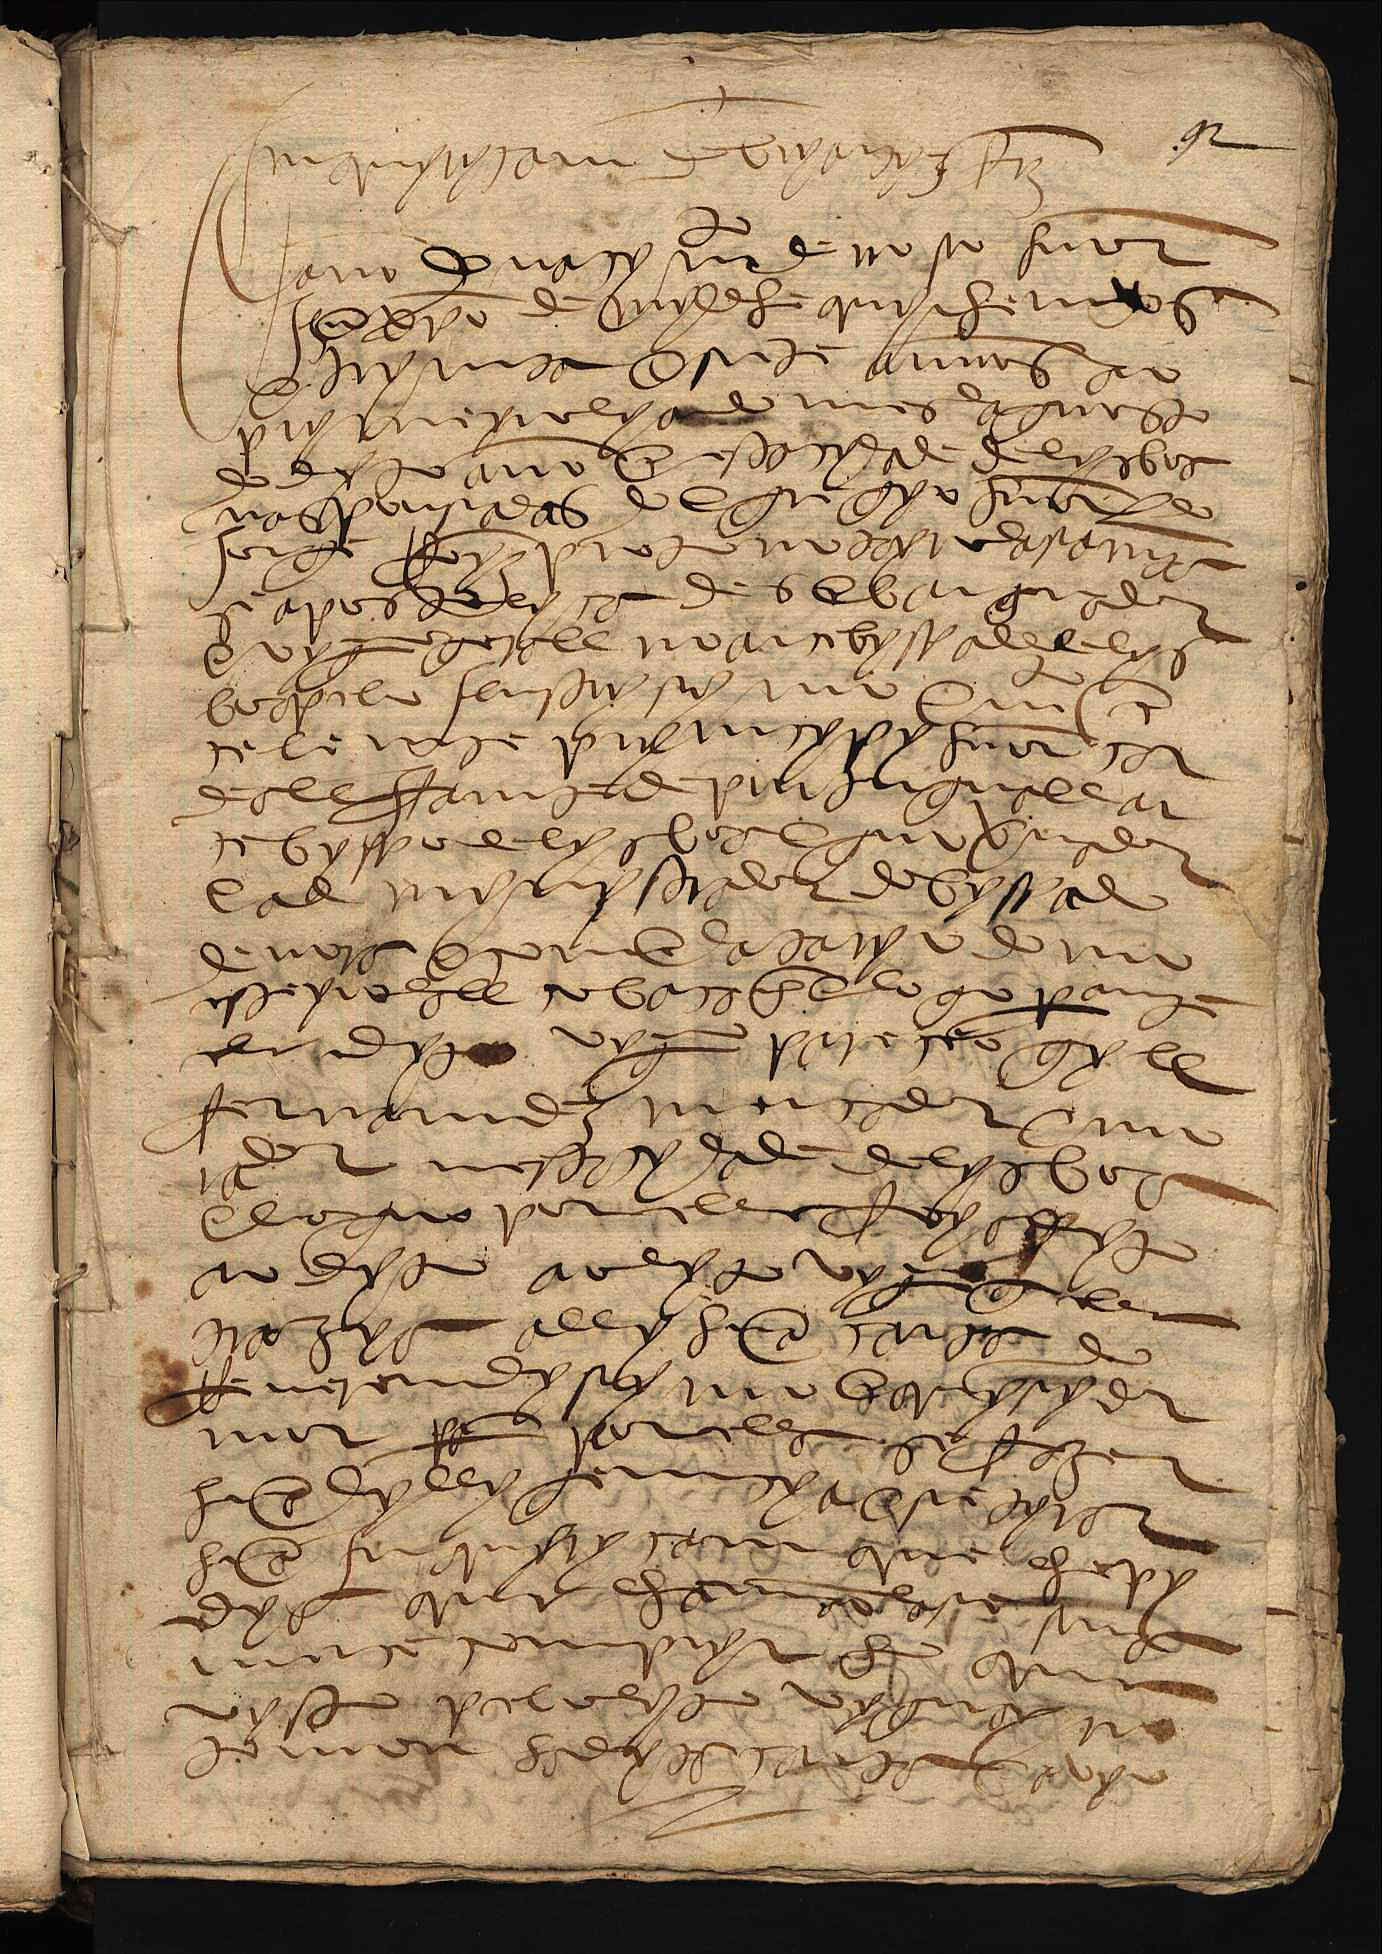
Jmquyrycam de bryartyz frz
ano do nacymto de noso Sn̄or
Jhū x̄po de myll he quynhemtos
e trymta e sete annos ao
prymeyro dya do mes daguosto
do dyto āno ē esta cidade de lysboa
nas pousadas do egregyo S̄nor Ldo
Jorge Rōyz proto notayro da samta
se apostolyca desēbargador
e vygro gerall no arcebyspado de lys
boa pelo Jlustrysymo e mto ē
celemte prymcypy Sn̄or car
deall Jfamte de purtuguall ar
cebyspo de lysboa e guoꝟnador
e admynystrador do byspado
deuora e comēdataryo do mo
esteyro dallcobaca c̄ꝭ e logo ꝑante
ele dyto vygro pareceo gyll
fernamdez mercador e mo
rador nesta cydade de lysboa
e loguo por elle foy a dyto
ao dyto ao dyto vygro q̄ elle
trazya ally huā carta do
Reuerendysymo ēquysydor
mor ꝑa por ella se fazer
huā dyllygemcya e se tyrar
huā Jnquyrycam que lhe py
dya que lha mãodase sua
merce compryr ho que
vysto pelo dyto vyguayro
tomou ha dyta carta e a vyo
